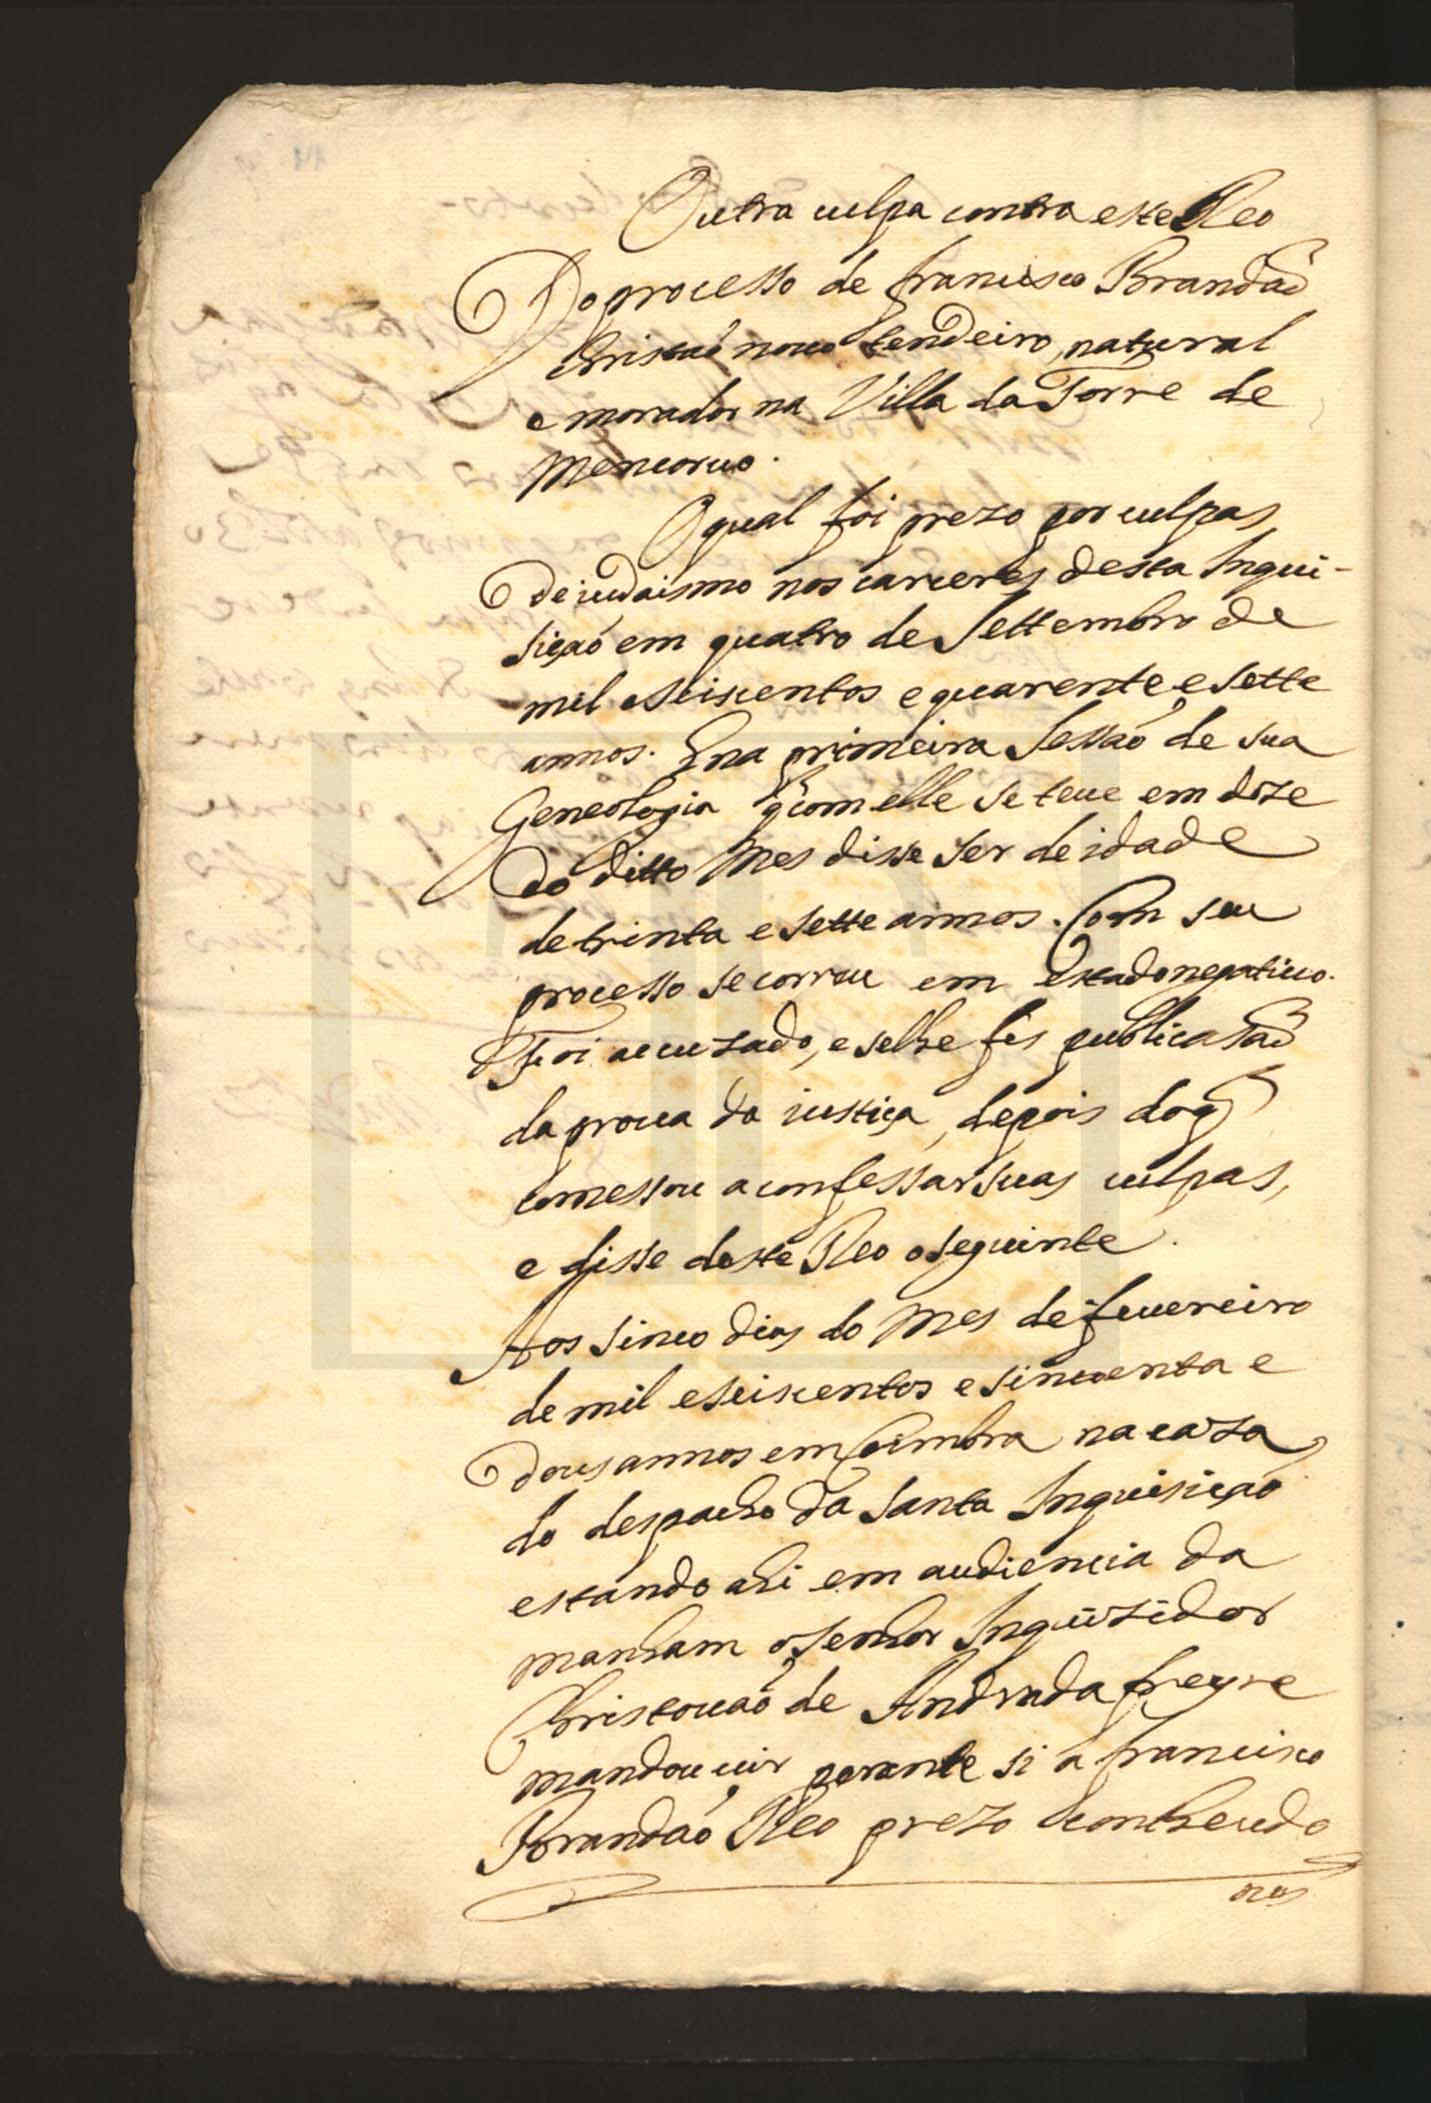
Outra culpa contra este Reo
Do processo de francisco Brandão
christaõ nouo tendeiro, natural
e morador na Villa da Torre de
mencoruo
O qual foi prezo por culpas
de iudaismo nos carceres desta Inqui
sição em quatro de Settembro de
mil e seiscentos e quarente e sette
annos. E na primeira Sessão de sua
Geneologia q̅ com elle se teue em doze
do ditto mes disse ser de idade
de trinta e sette annos. Com seu
processo se correu em estado negatiuo.
Foi accuzado, e se lhe fes publicasão
da proua da iustiça, depois do q̅
comessou a confessar suas culpas,
e disse deste Reo o seguinte.
Aos sinco dias do mes de feuereiro
de mil e seiscentos e sincoenta e
dous annos em Coimbra na caza
do despacho da Santa Inquisiçaõ
estando ahi em audiencia da
manham o senhor Inquizidor
Christouão de Andrada freyre
mandou uir perante si a francisco
Brandão Reo prezo contheudo
